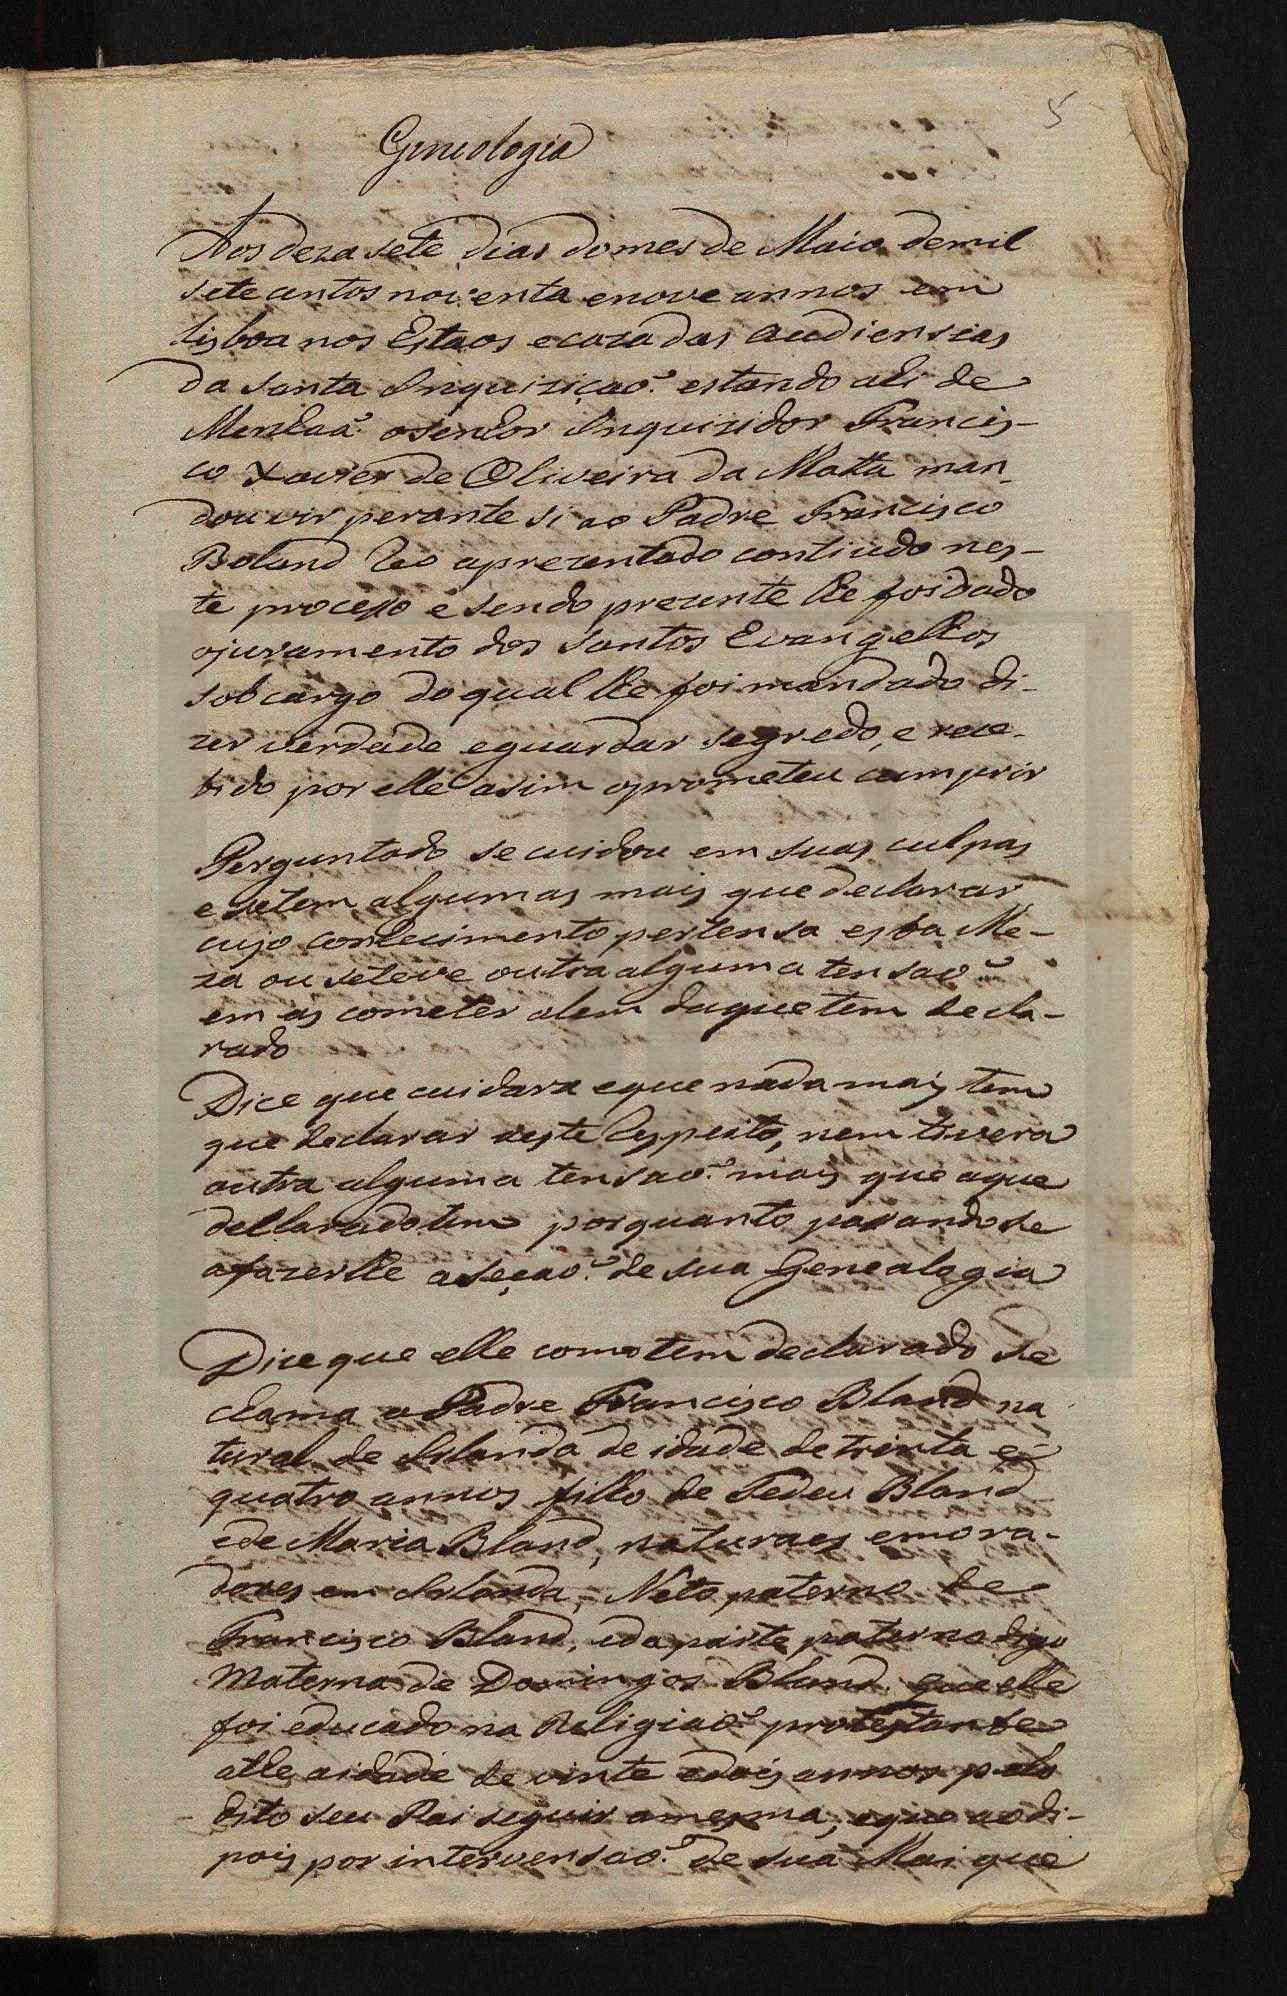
Geneologia
Aos dezasete dias do mes de Maio de mil
setecentos noventa e nove annos em
Lisboa nos Estaos e caza das audiensias
da santa Inquiziçaõ estando ahi de
Menhaã o senhor Inquizidor Francis
co Xavier de Oliveira da Matta man
dou vir perante si ao Padre Francisco
Boland Reo aprezentado contiudo nes
te processo e sendo prezente lhe foi dado
o juramento dos santos Evangelhos
sob cargo do qual lhe foi mandado di
zer verdade e guardar segredo, e rece
bido por elle asim o prometeu cumprir
Perguntado se cuidou em suas culpas
e se tem algumas mais que declarar
cujo conhecimento pertensa esta Me
za ou se teve outra alguma tensaõ
em as cometer alem da que tem decla
rado
Dice que cuidara e que nada mais tem
que declarar neste Respeito, nem tivera
outra alguma tensaõ mais que o que
declarado tem porquanto pasando se
a fazer lhe a seçaõ de sua Genealogia
Dice que elle como tem declarado se
chama o Padre Francisco Bland na
tural de Irlanda de idade de trinha e
quatro annos filho de Tedeu Bland
e de Maria Bland, naturaes e mora
dores em Irlanda, Neto paterno de
Francisco Bland, e da parte paterna digo
materna de Domingos Bland que elle
foi educado na Religiaõ protestante
atte a idade de vinte e dois annos pelo
dito seu Pai seguir a mesma, e que ao di
pois por intervensaõ de sua Mai que
